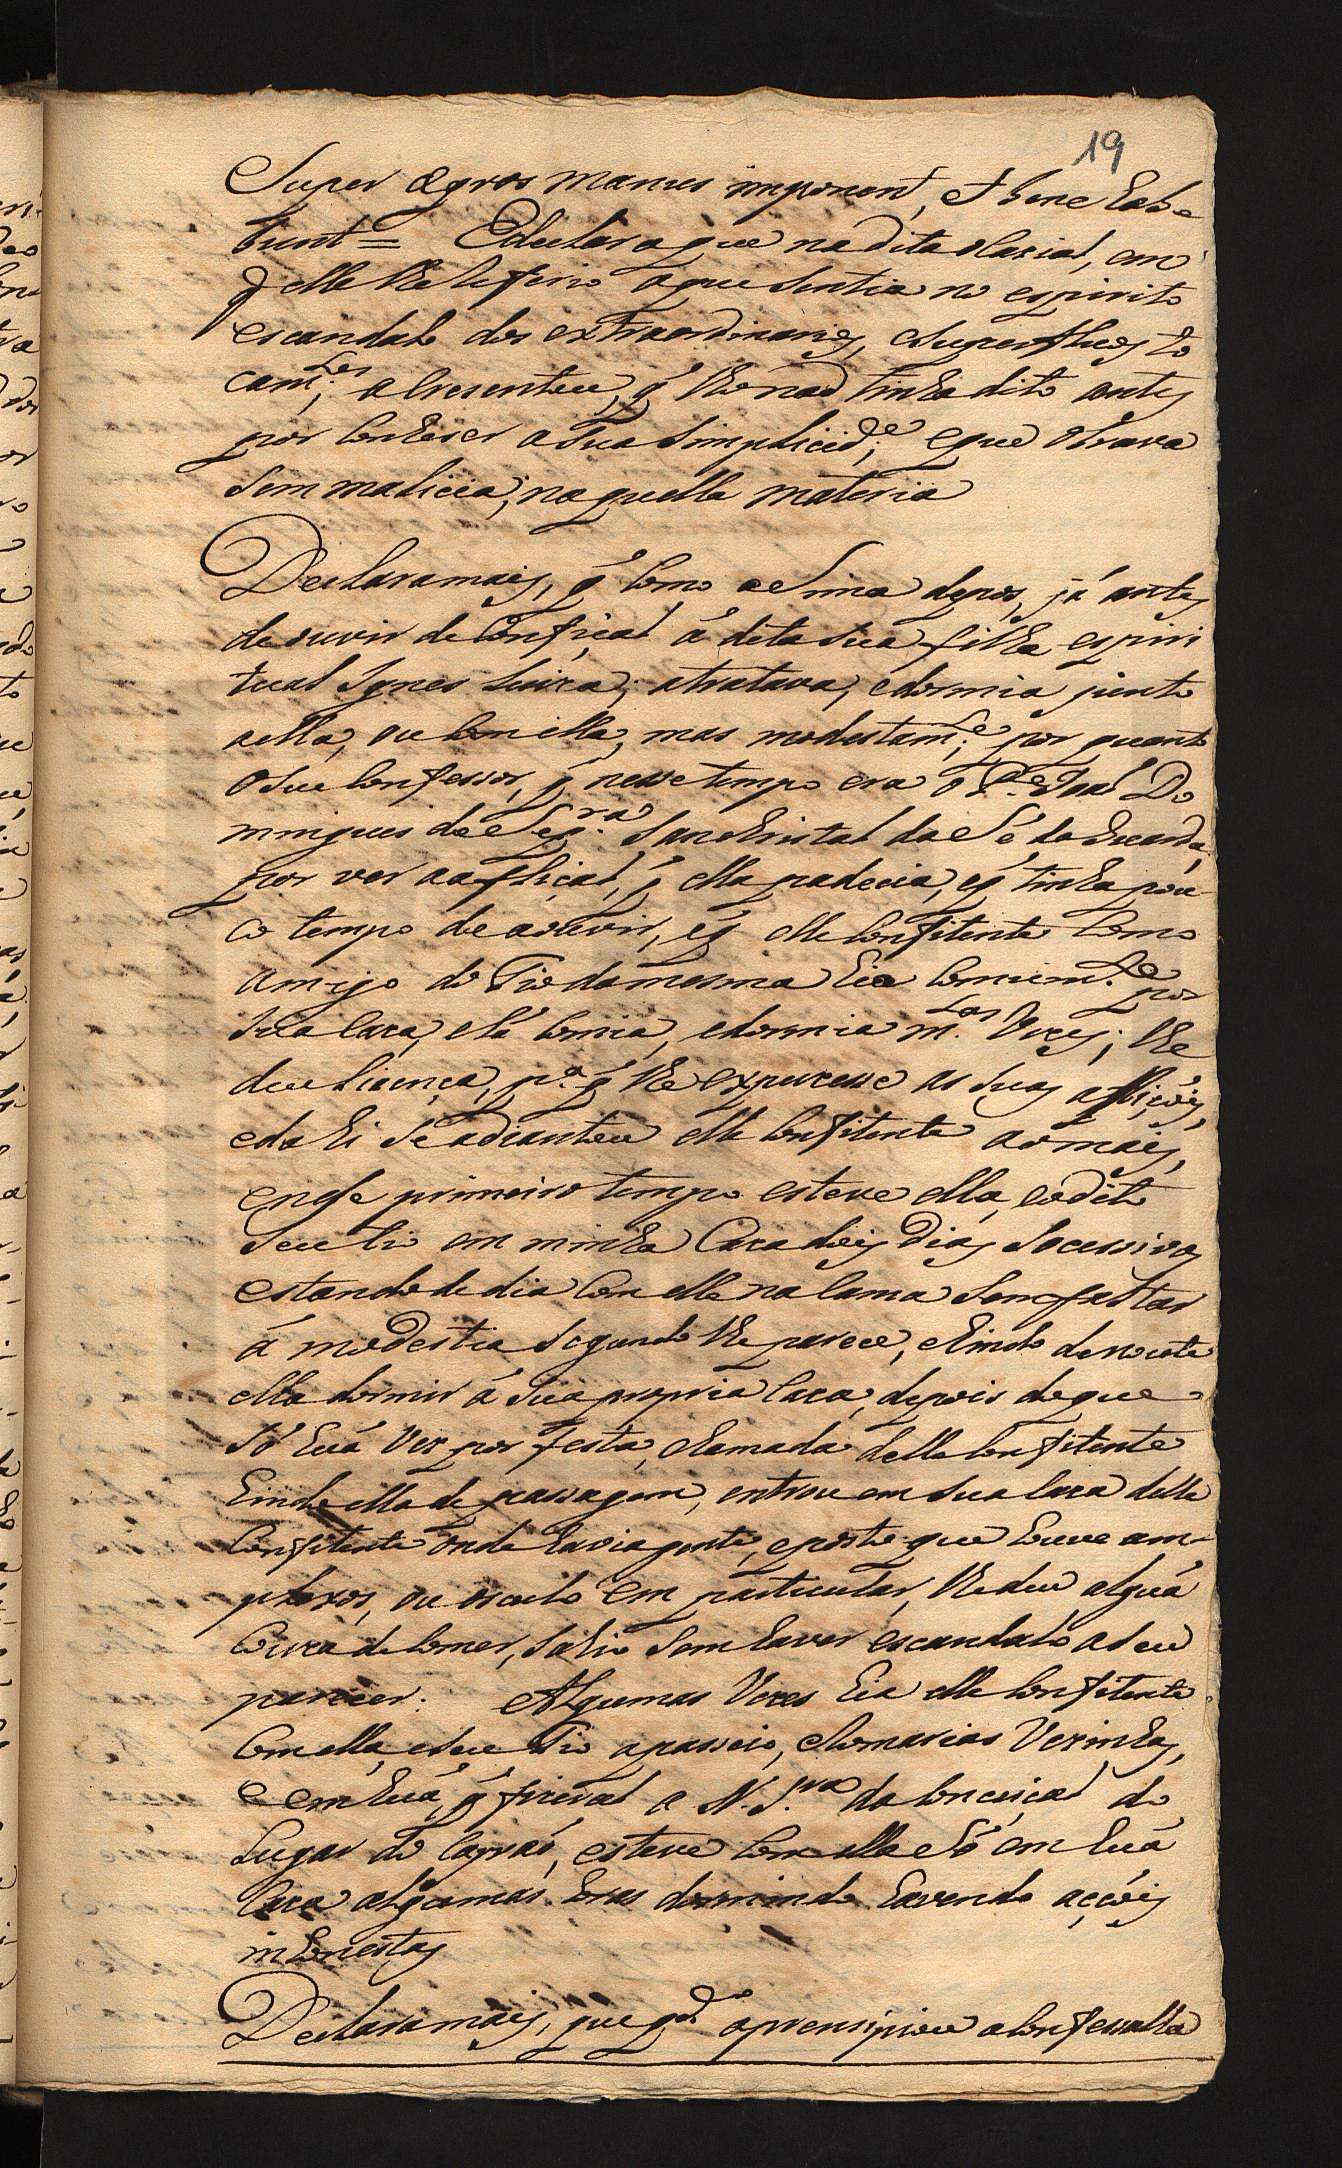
Super ægros manus imponent, et̄ bene habe
bunt= E declara que na dita oCaziaõ, em
q̄ elle lhe Referio o que sentia no espirito
escandalo dos extraordinarios, e superfluos to
cam.tes; acresentece, q̄ lhe naõ tinha dito antes
por Conheser a Sua simplicid;e e que obrava
sem malicia, naquella materia
Declara mais, q̄ Como aSima depos, já antes
de ouvir de conficaõ á dita sua filha espiri
tual Ignes Luiza; a tratava, e dormia junto
a ella, ou Com ella, mas modestam.te porquanto
o seu Confessor q̄ nesse tempo era o P.e Ioaõ Do
mingues de Seq.ra Sanchristaõ da Sé da Guarda,
por ver a afliçaõ, q̄ ella padecia, e q̄ tinha pou
co tempo de a ouvir, e q̄ elle Confitente Como
amigo do Tio da mesma hia comum.te por
sua caza, e lá Comia, e dormia m.tas Vezes; lhe
deu Licença, p.a q̄ lhe expuzesse as suas afliçõis,
e dahi se adiantou elle Confitente ao mais,
onde primeiro tempo esteue ella, e o dito
seu tio em minha Caza dois dias socessivos
estando de dia Com elle na Cama Sam faltar
á modestia segundo lhe parece, e hindo de noute
ella dormir á sua propria Caza, depois de que
só huā vez por festa, chamada delle Confitente
hindo ella de passagem, entrou em sua Caza delle
Confitente onde havia gente, e posto que houue am
plexos, ou osculo em particular, lhe deu alguā
Couza de Comer, sahio sem haver escandalo a seu
parecer: Algumas Vezes hia elle Confitente
Com ella, e seu Tio a passeio, Romarias Vezinhas,
e em huā, q̄ fizeraõ a N. S.ra da Conceiçaõ do
Lugar do Cayraõ, esteue Com ella Só em huā
Caza algumas horas dormindo havendo acçõis
inhonestas
Declara mais, que qd.o o prensipiou a Confessalla
